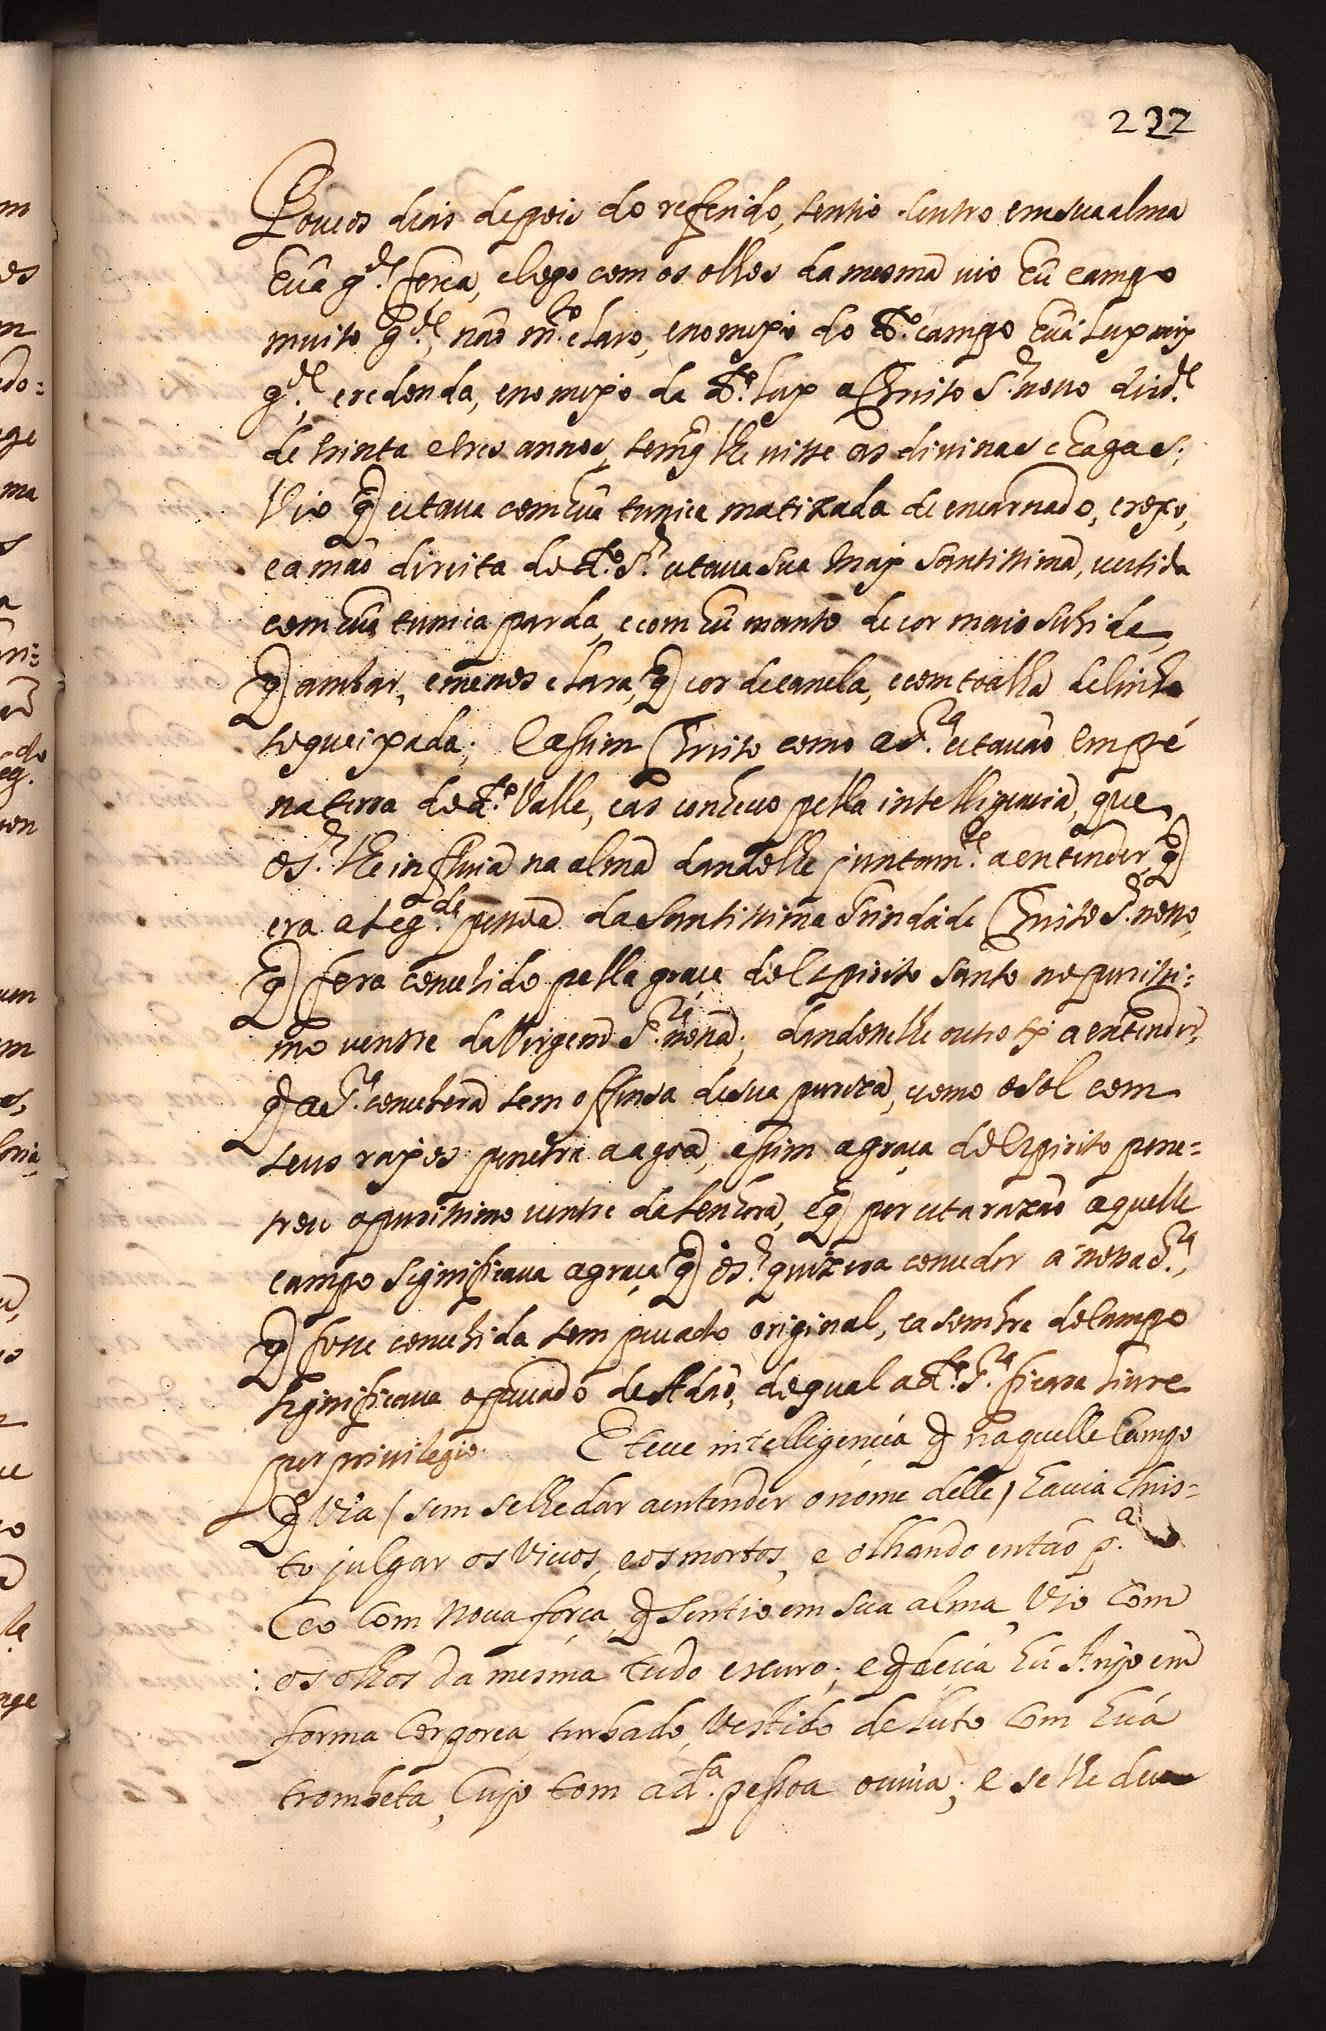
222
Poucos dias depois do referido, sentio dentro em sua alma
huā g.de força, e logo com os olhos da mesma uio hū campo
muito g.de não m.to claro, e no meyo do d̄.o campo huā Lux muy
g.de, e redonda, e no meyo da d̄.a Lux a Christo S.or nosso de id.e
de trinta e tres annos, sem q̄ lhe uisse as diuinas chagas;
Vio q̄ estaua com huā tunica matizada de encarnado, e roxo,
e a maõ direita do d̄.o S.or estaua sua May Santissima, uestida
com hūa tunica parda, e com hū manto de cor mais subida,
q̄ ambar, e menos clara, q̄ cor de canela, e com toalha de linho
so queixada. E assim Christo como a s.ra estauão em pé
na terra do d̄.o Valle, e as conheceo pella intelligencia, que
o s.or lhe influia na alma dandolhe juntam.te a entender q̄
era a seg.da pessoa da Santissima Trindade Christo S.or nosso,
q̄ fora concebido pella graça do Espirito Santo no purissi
mo uentre da Virgem S.ra nossa; dandosselhe outrosy a entender,
q̄ a S.ra concebera sem offensa de sua pureza, e como o Sol com
seus rayos penetra a agoa, assim a graça do Espirito pene
trou o purissimo uentre da Senhora, e q̄ por esta razaõ aquelle
campo significaua a graça q̄ o s.or quizera conceder a nossa s.ra,
q̄ fosse concebida sem peccado original, e a sombra do Campo
significaua o peccado de Adaõ, do qual a d̄.a s.ra ficara liure
por priuilegio. E teue intelligencia q̄ naquelle campo
q̄ via (sem se lhe dar a entender o nome delle) hauia chris
to julgar os viuos, e os mortos, e olhando entaõ p.a o
Ceo com noua força, q̄ sentio em sua alma, vio com
os olhos da mesma tudo escuro; e q̄ decia hū Anjo em
forma Corporea, turbado, vestido de luto com huā
trombeta, Cujo tom a d̄.a pessoa ouuia; e se lhe deu
